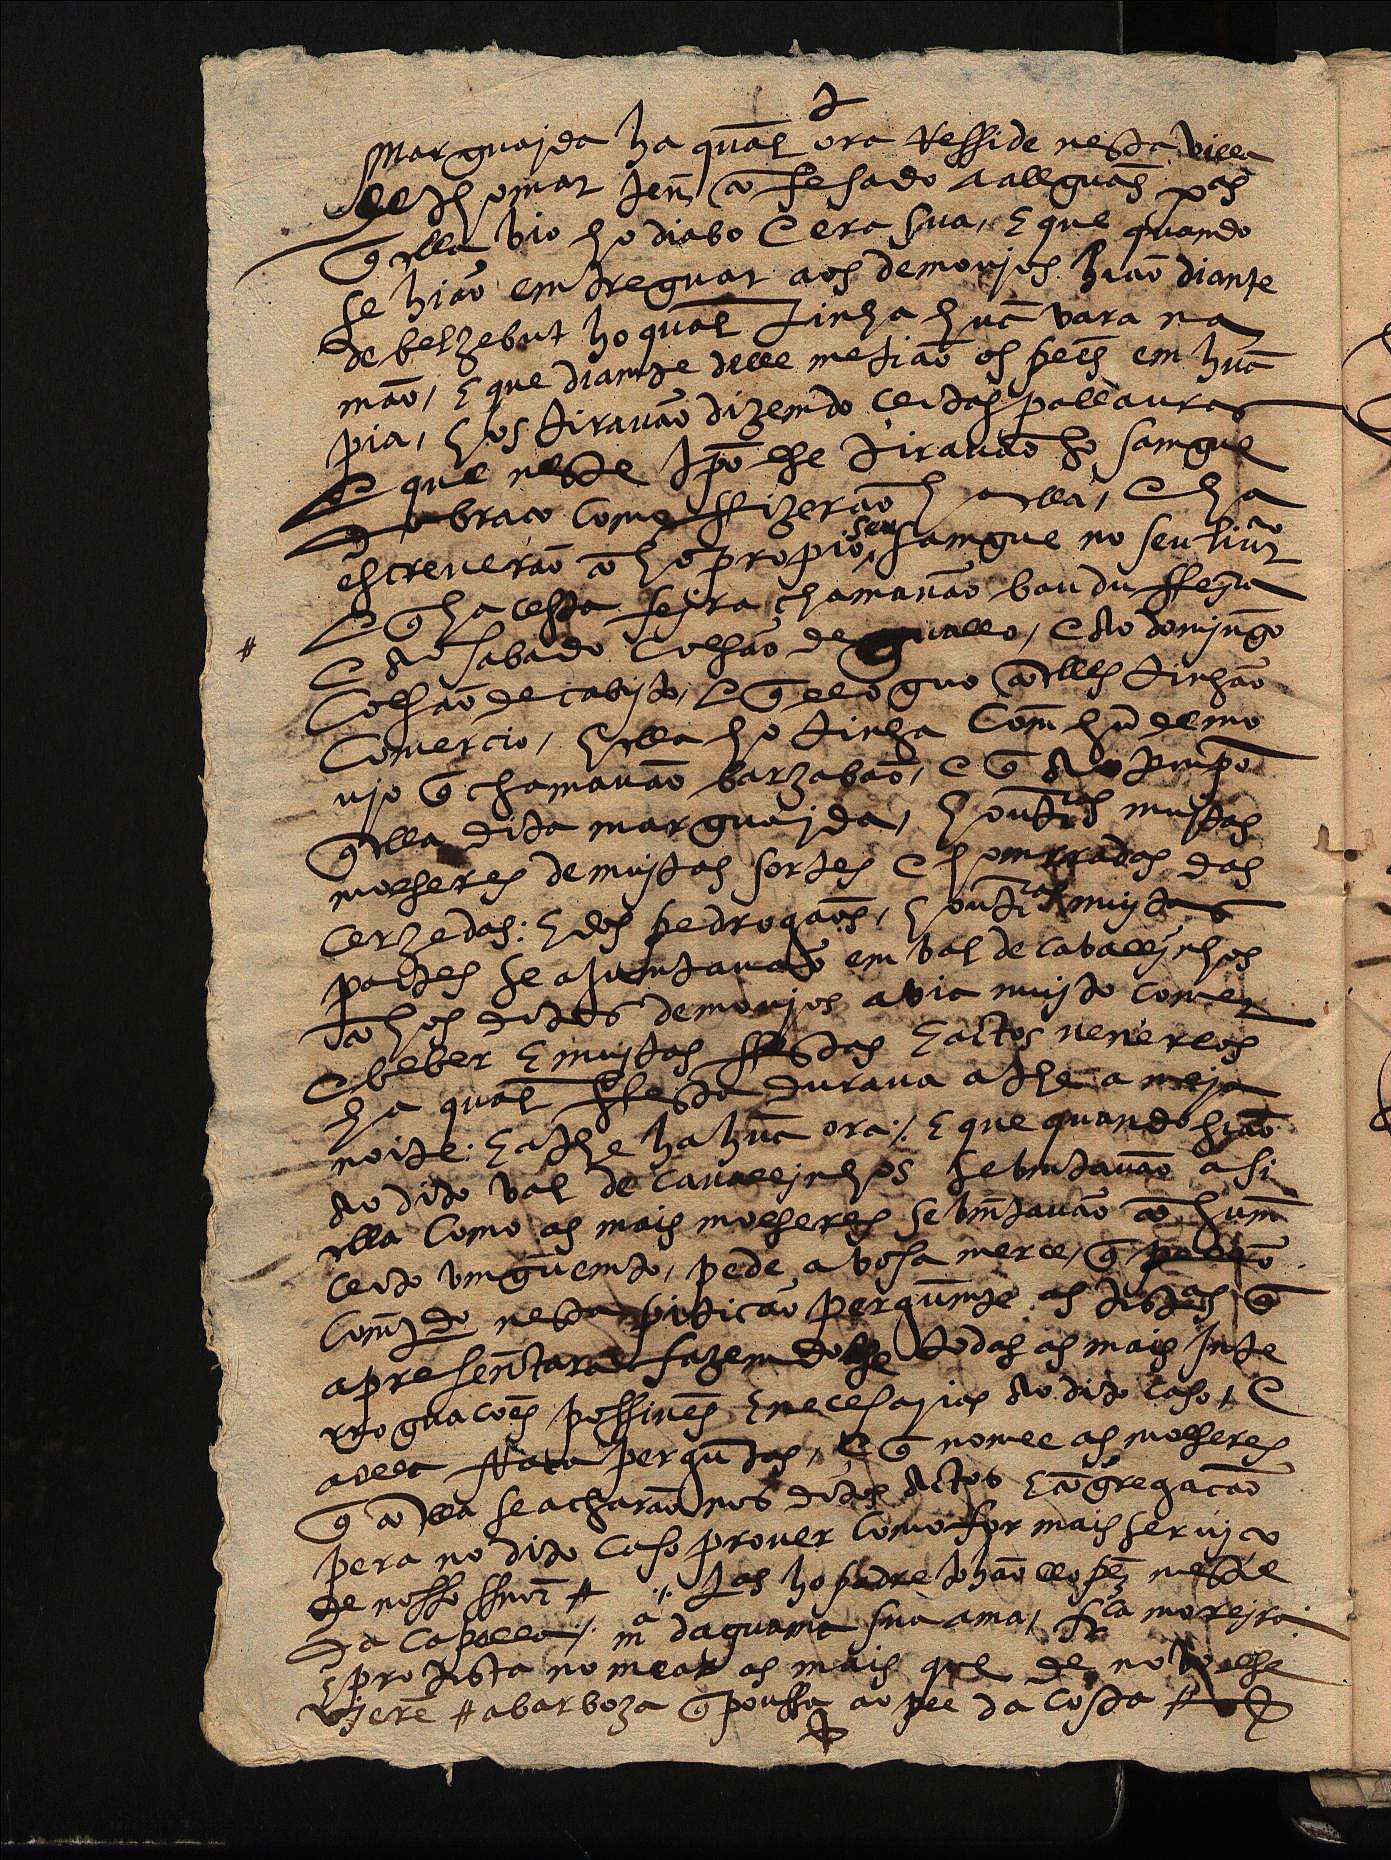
Marguajda ha quāl ora Resside nesta villa
de thomar tem c̄ofesado a allguās pas
q̄ ella vio ho diabo e era sua, E que quando
se hiaõ emtreguar aos demonjos hiaõ diante
de belzebut ho quāl tinha huā vara na
mão / E que diamte delle metiaõ os peēs em huā
pia, E os tirauão dizemdo çertas pallauras
e que neste tpō lhe tirauão ho samgue
do braço Como ffizerão ha ella, e ha
escreuerão c̄o ho proprio
seu
samgue no seu liurro
e q̄ ha cesta fejra chamauão baudu ffejra
e Ao sabado colhão de guallo, e Ao domjnḡo
Colhaõ de cabrjto, e q̄ lloguo c̄o elles tinhão
Comercio / E ella ho tinha com̄ hū demo
njo q̄ chamauão barzabaõ, e q̄ Ao tempō
q̄ ella dita marguajda, E outras mujtas
molheres de mujtas sortes e homrradas das
cerzedas: E dos pedrogaõs, E outras mujtas
partes se aJumtauaõ em val de cavalljnhos
c̄o hos ditos demonjos avia mujto comer
e beber E mujtas ffestas E actos uenereos
ha qual ffesta duraua athe a meja
noite. E athe ha hūa ora./. E que quando hião
Ao dito val de caualljnhos se vmtauão asi
ella Como as mais molheres se vmtauão c̄o hum̄
certo vmguemto, pede a vosa merce, q̄ pello
Com̄tdo nesta piticaõ pergūmte as testas q̄
apresen̄tara fazemdolhe todas as mais Jnte
rroguacoẽs possiuēs E necesarias Ao dito caso, e
a ella ffaca pergūtas, e q̄ nomee as molheres
q̄ c̄o ella se acharão nos ditos Actos E c̄ogregacão
pera no dito Caso prouer Como for mais serujço
de nosso ssnor̄ item ./. tas ho padre Iohão llopēz mestre
da capella ./. ma da guama sua ama / frca morejra
E protesta nomear as mais que de novo lhe
vjerē item a barboza q̄ poussa ao pee da costa item
